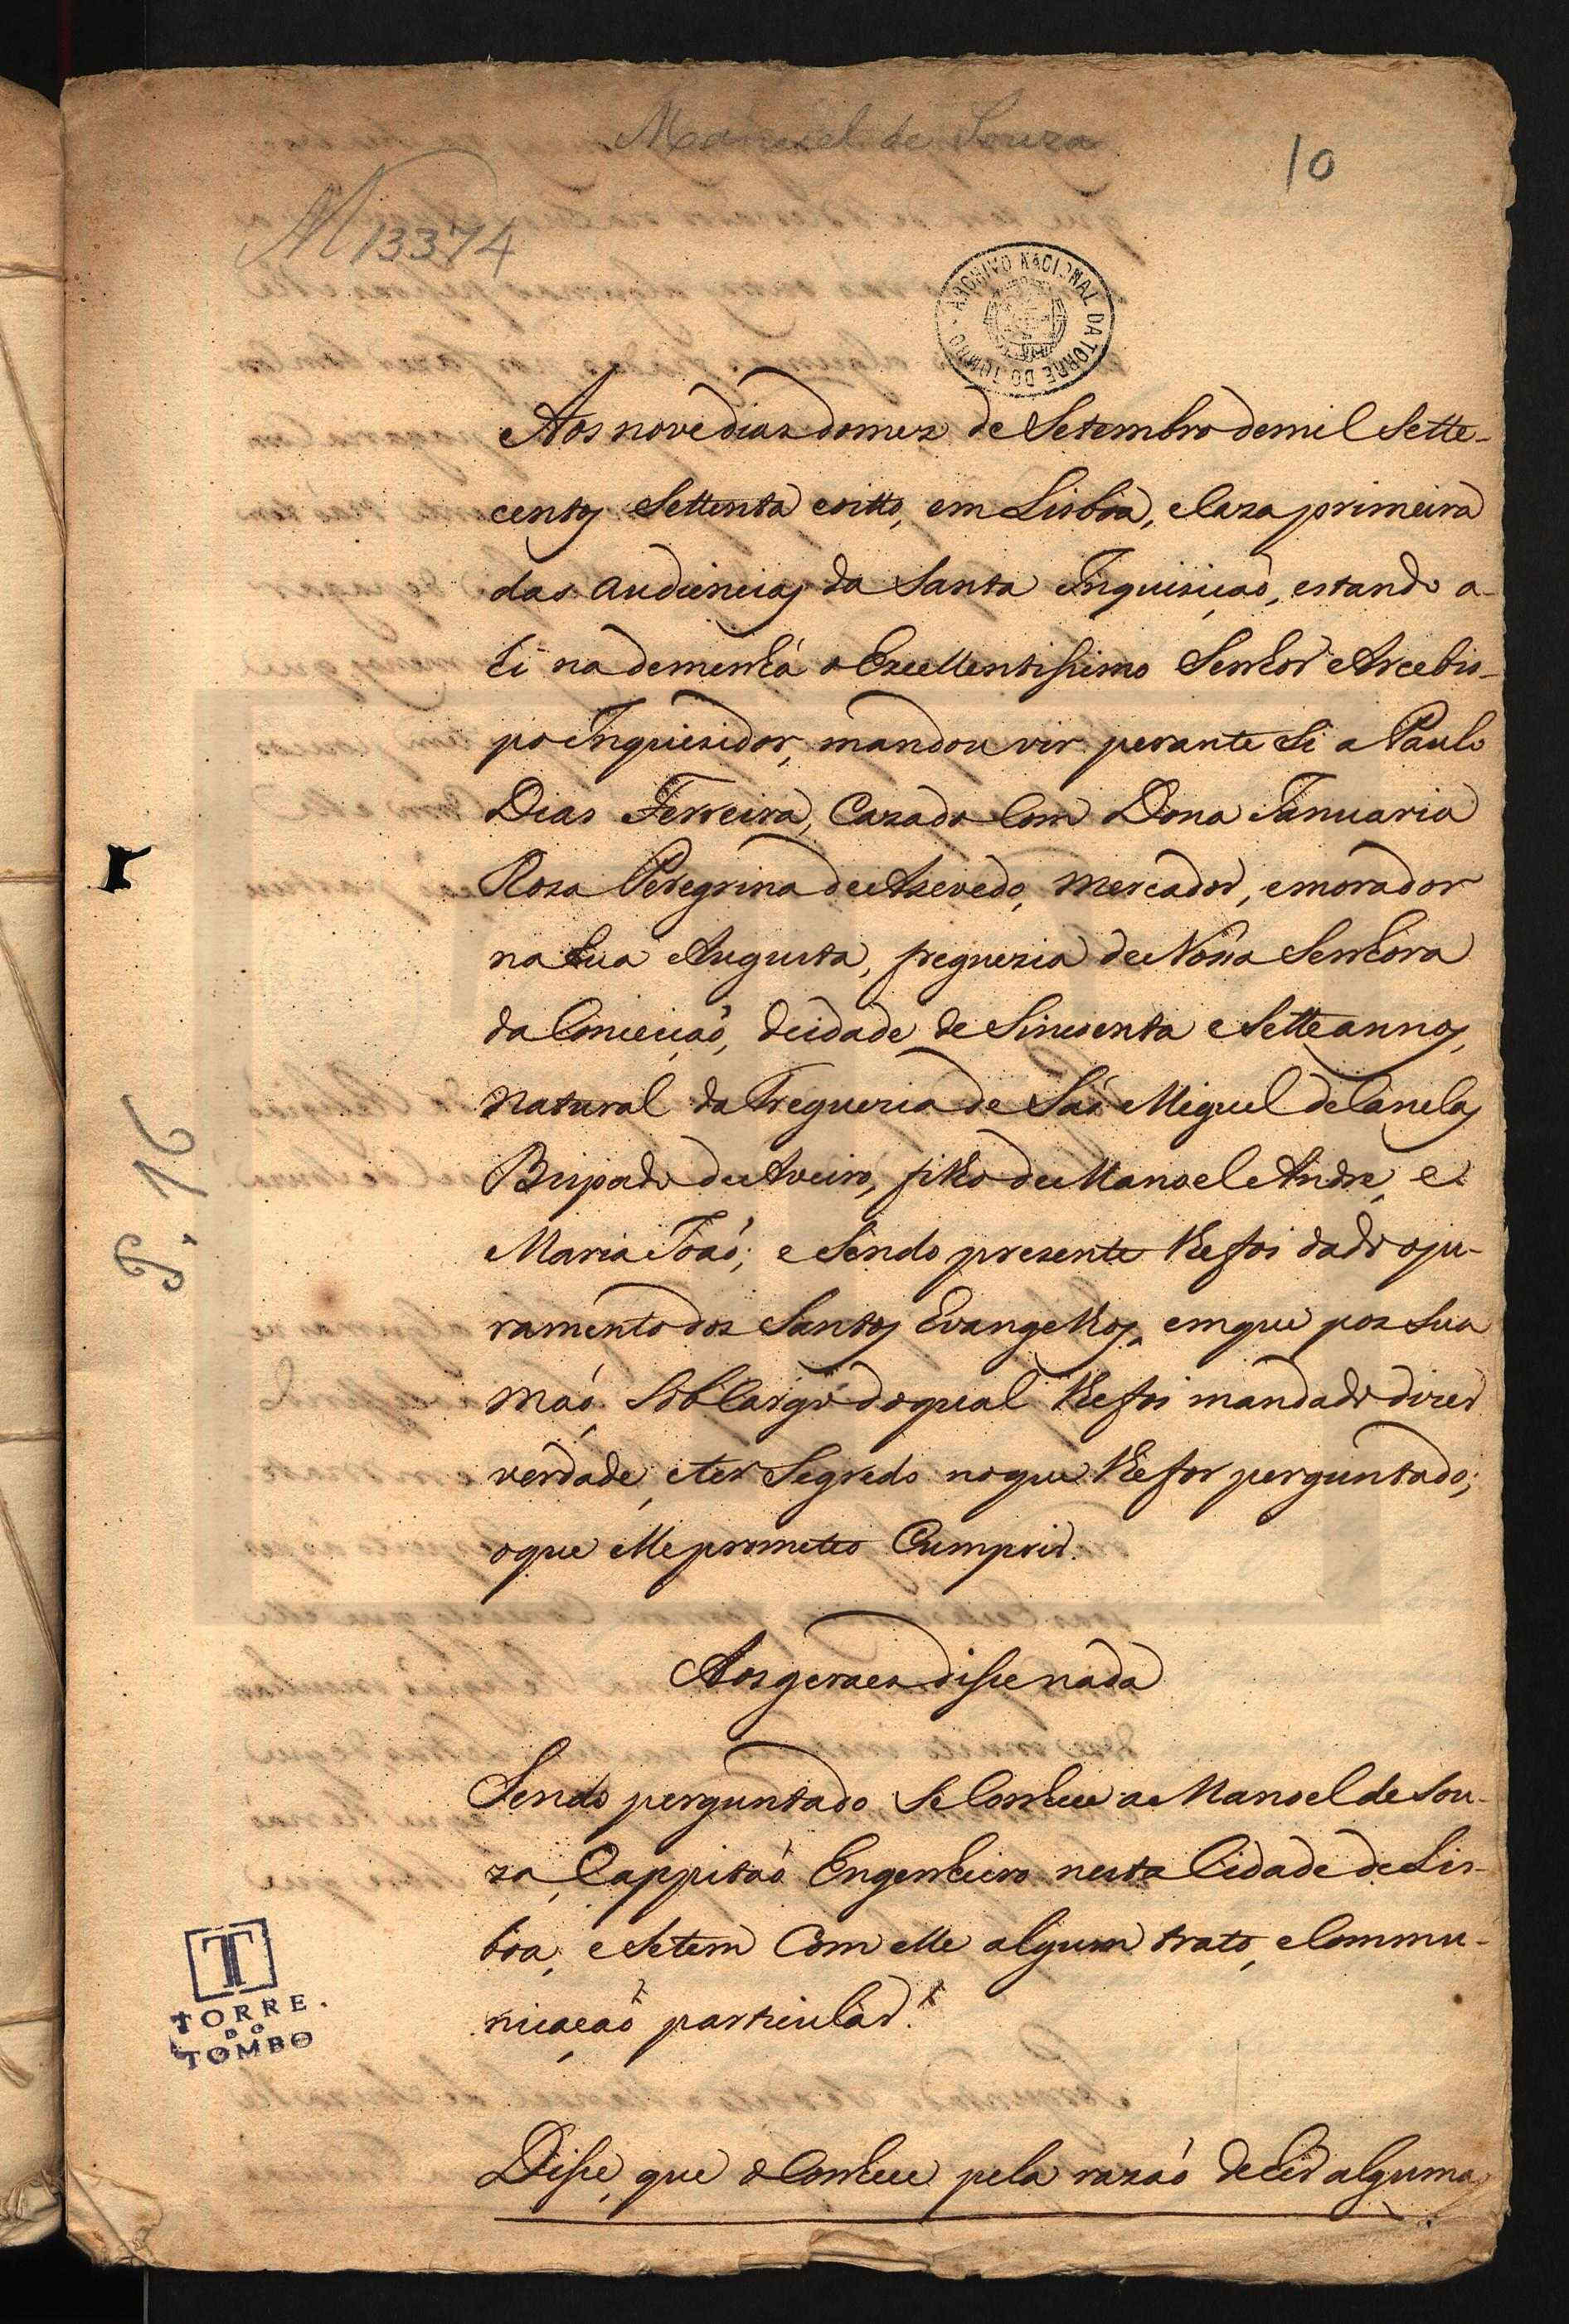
Manoel de Souza
Aos nove diaz do mez de Setembro de mil Sette
centos Settenta e oito, em Lisboa, e Caza primeira
das audiencias da Santa Inquisiçaõ, estando a
hi na de menhã o Excellentissimo Senhor Arcebis
po Inquisidor, mandou vir perante Si a Paulo
Dias Ferreira, Cazado Com Dona Ianuaria
Roza Peregrina de Azevedo, mercador, e morador
na Rua Augusta, freguezia de Nossa Senhora
da Conceiçaõ, de idade de Sincoenta e Sette annos,
natural da Freguezia de Saõ Miguel de Canelas
Bispado de Aveiro, filho de Manoel Andre, e
Maria Ioaõ; e Sendo presente lhe foi dado o ju
ramento dos Santos Evangelhos, em que pos Sua
maõ sobCargo do qual lhe foi mandado dizer
verdade, e ter Segredo no que lhe for perguntado;
o que elle prometeo Cumprir.
Aos geraes disse nada
Sendo perguntado se Conhece a Manoel de sou
za, Cappitaõ Engenheiro nesta Cidade de Lis
boa, e Se tem Com elle algum trato, e Commu
nicaçaõ particular?
Disse, que o Conhece pela razaõ de hir alguma
